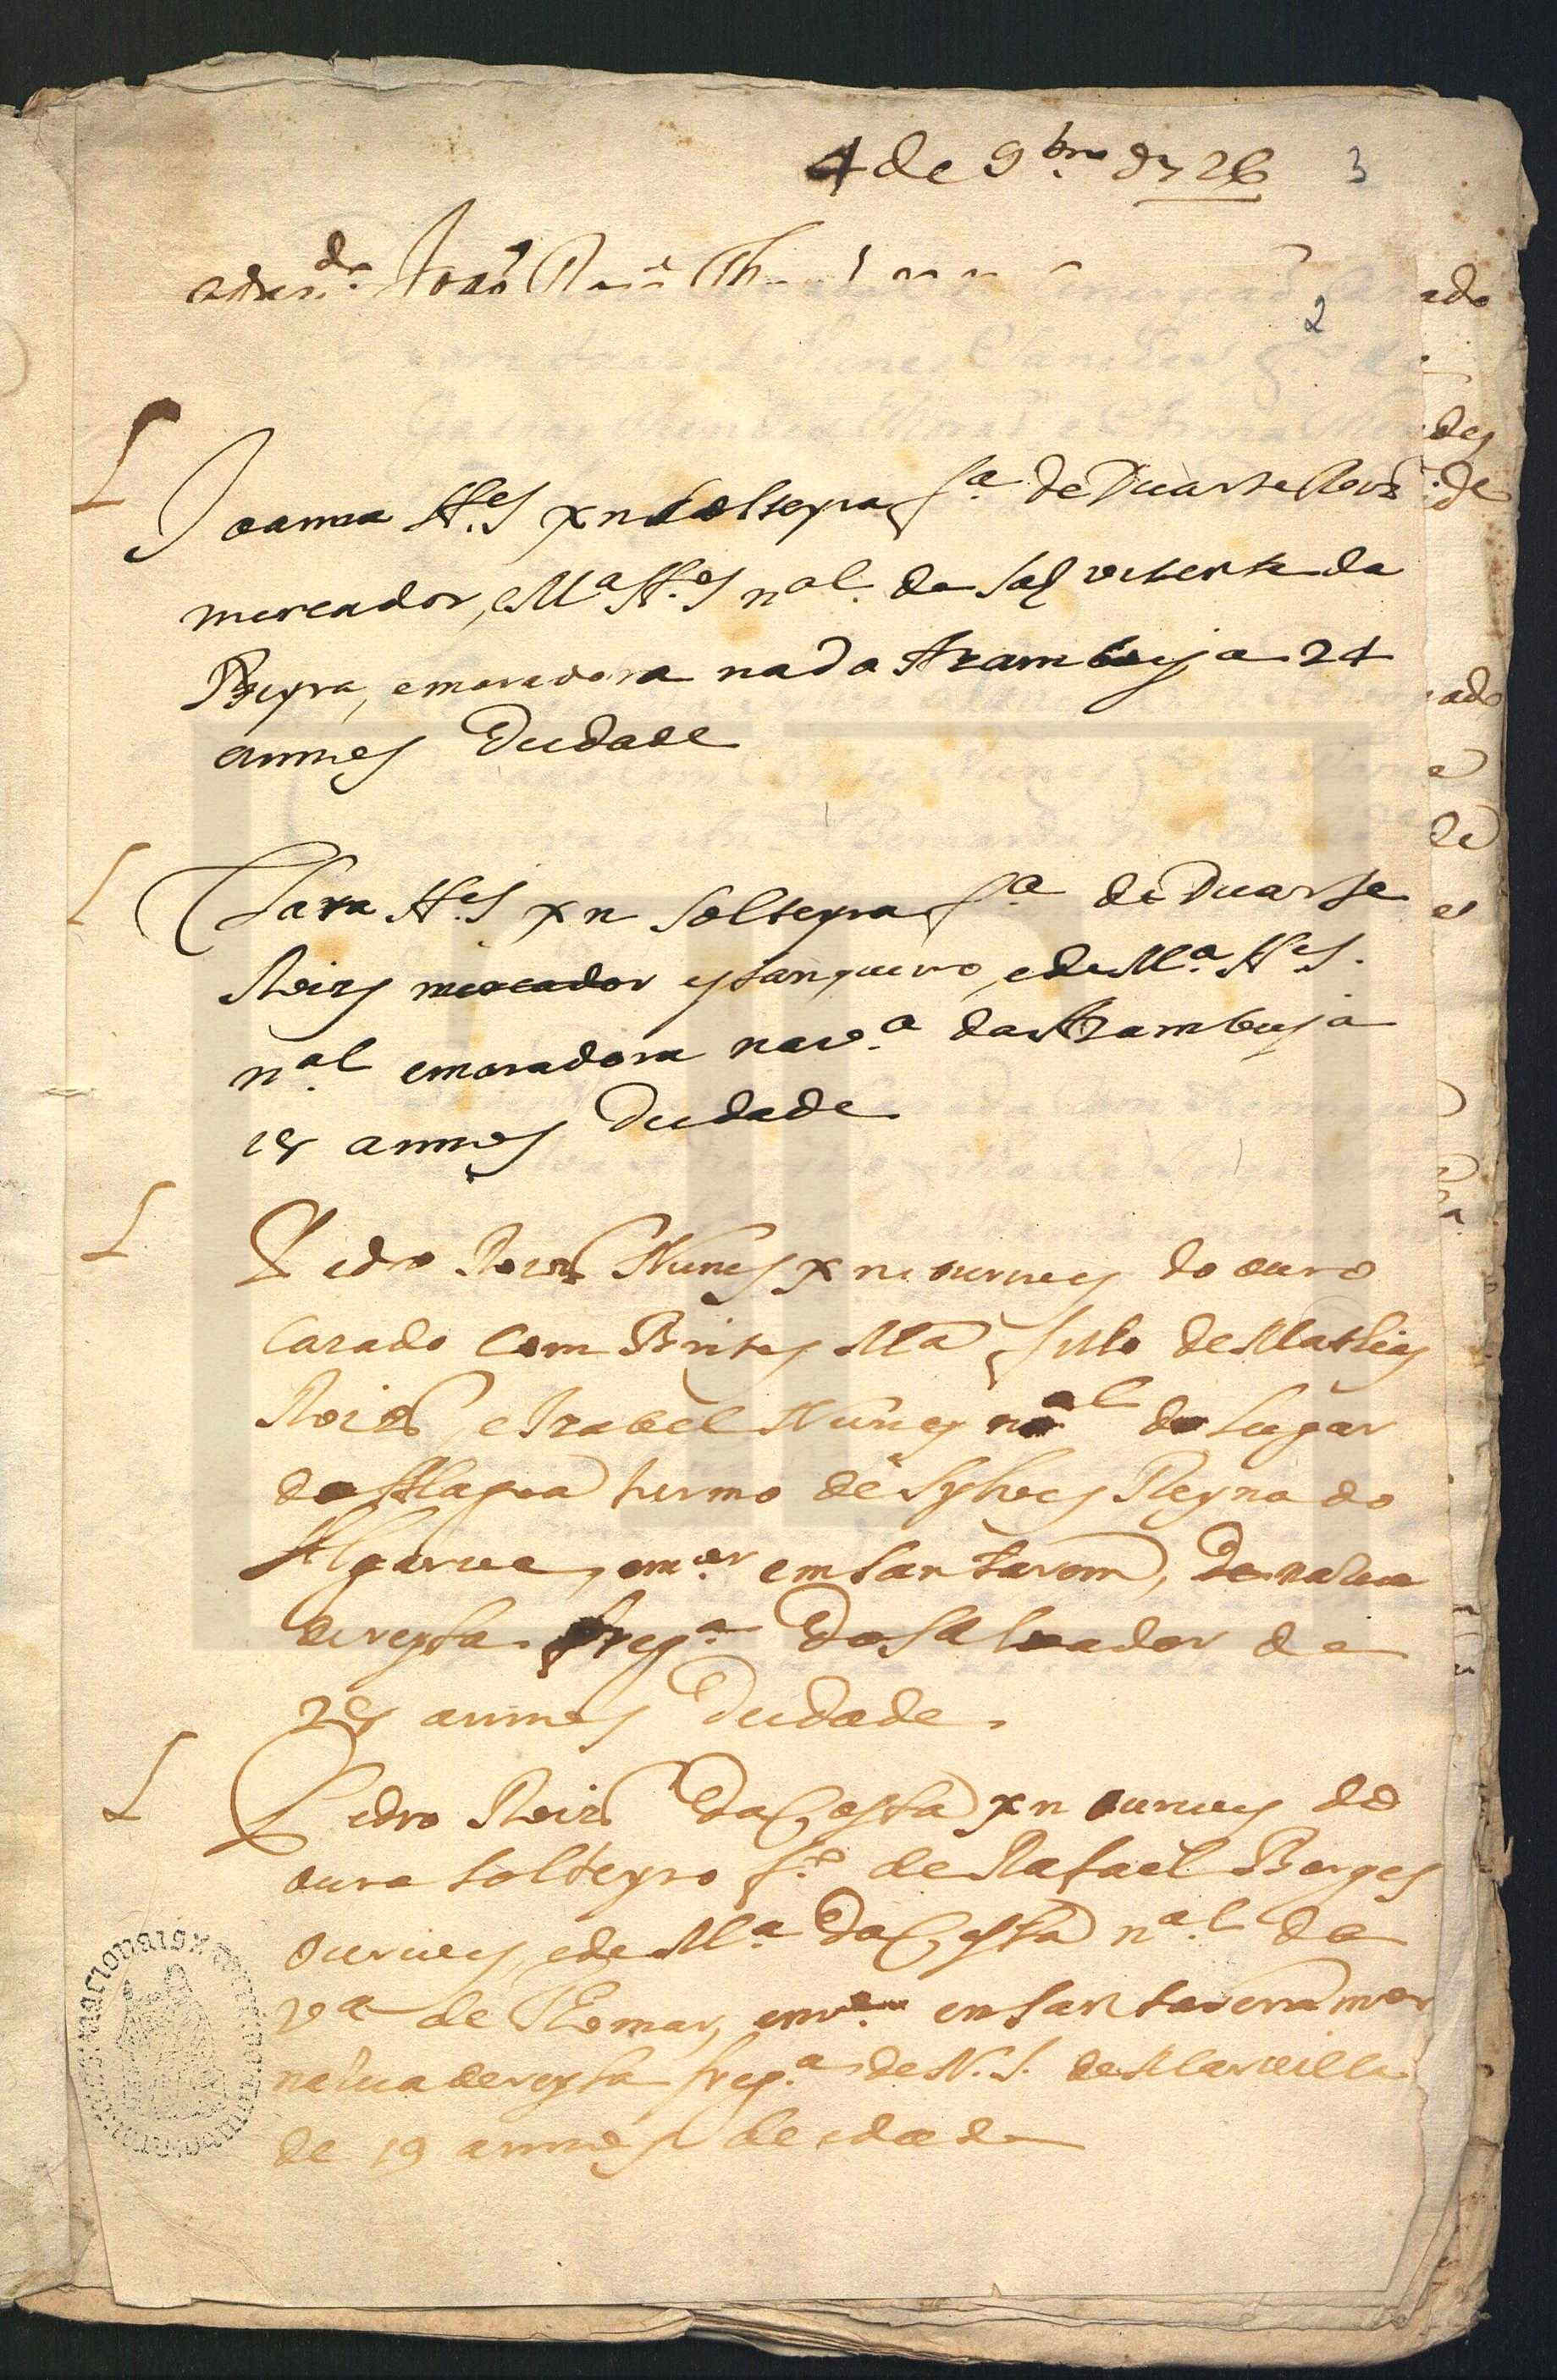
4 de 9.bro d̄ 726
Ioanna H.es x n solteyra f.a de Duarte Roiz̄
mercador, Ma H.es nal. de saõ visente da
Beyra, e moradora na da Azambuja 24
annos de idade
CLara H.es x n solteyra f.a de Duarte
Roizs mercador estanqueiro, e de M.a H.es.
n.al e moradora na v.a da Azambuja
18 annos de idade
Pedro Roiz̄ Nunes x n e ouriues do ouro
cazado com Brites Ma filho de Mathias
Roiz̄, e Izabel Nunes n_al do Lugar
da Alagoa termo de Sylves Reyno do
Algarue, e m.or em santarem, de na Rua
dereyta freg.a do saluador de
28 annos de idade.
Pedro Roiz̄ da Costa x n ouriues do
ouro solteyro f.o de Rafael Borges
ouriues, e de M.a da Costa n.al da
va de Thomar, e m.or em santarem mor
na rua dereyta freg.a de N. S. de Maruilla
de 19 annos de idade
